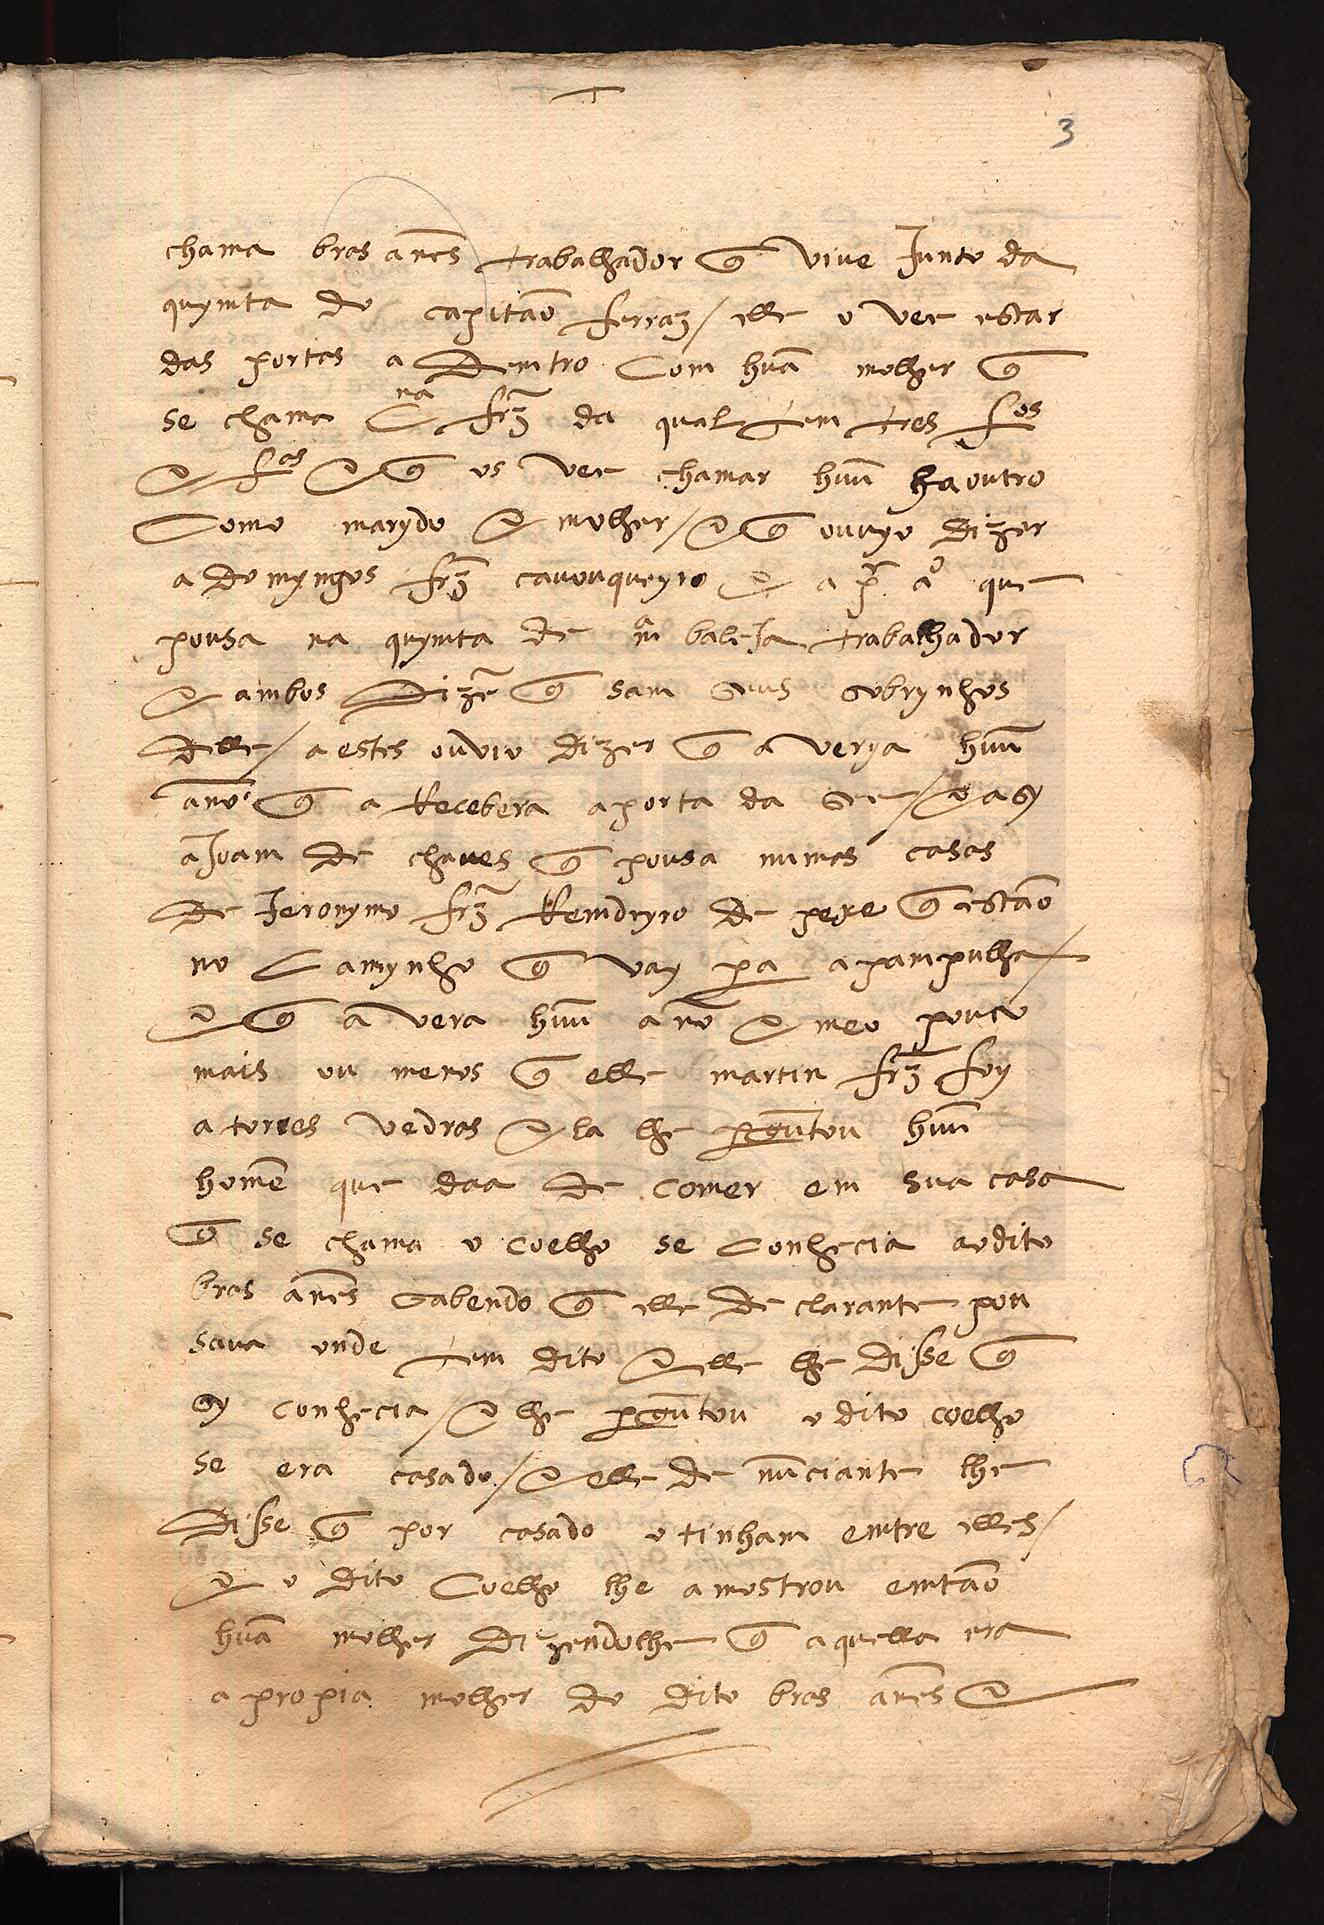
chama bras an̄es trabalhador q̄ viue Junto da
quymta do capitão ferraz / elle o vee estar
das portas aDemtro Com huā molher q̄
se chama Cna frz̄ da quaL tem tres fos
e fas e q̄ os vee chamar hūu ha outro
Como marydo e molher / e q̄ ouuyo dizer
a domyngos frz̄ cauouqueyro e a pe ao que
pousa na quymta de ma baleJa trabalhador
e ambos Dizē q̄ sam seus sobrynhos
delle / a estes ouvio dizer q̄ averya hūu
āno q̄ a Recebera a porta da see / e asy
a Joam de chaues q̄ pousa numas casas
de Jeronymo frz̄ Remdeyro de pexe q̄ estão
no Camynho q̄ vay ꝑa a pampulha/
e q̄ avera hūu an̄o q meo pouco
mais ou menos q̄ elle martin fr̄z foy
a torres vedras e la lhe ꝑgūtou hūu
homē que daa de comer em sua casa
q̄ se chama o coelho se conhecia ao dito
bras an̄es sabendo q̄ elle declarante pou
saua onde tem dito e elle lhe disse q̄
sy conhecia / e lhe ꝑgūtou o dito coelho
se era casado / e elle den̄uciante lhe
disse q̄ por casado o tinham emtre elles /
e o dito Coelho lhe amostrou emtão
hūa molher dizendolhe q̄ aquella era
a propia molher do dito bras an̄es e
